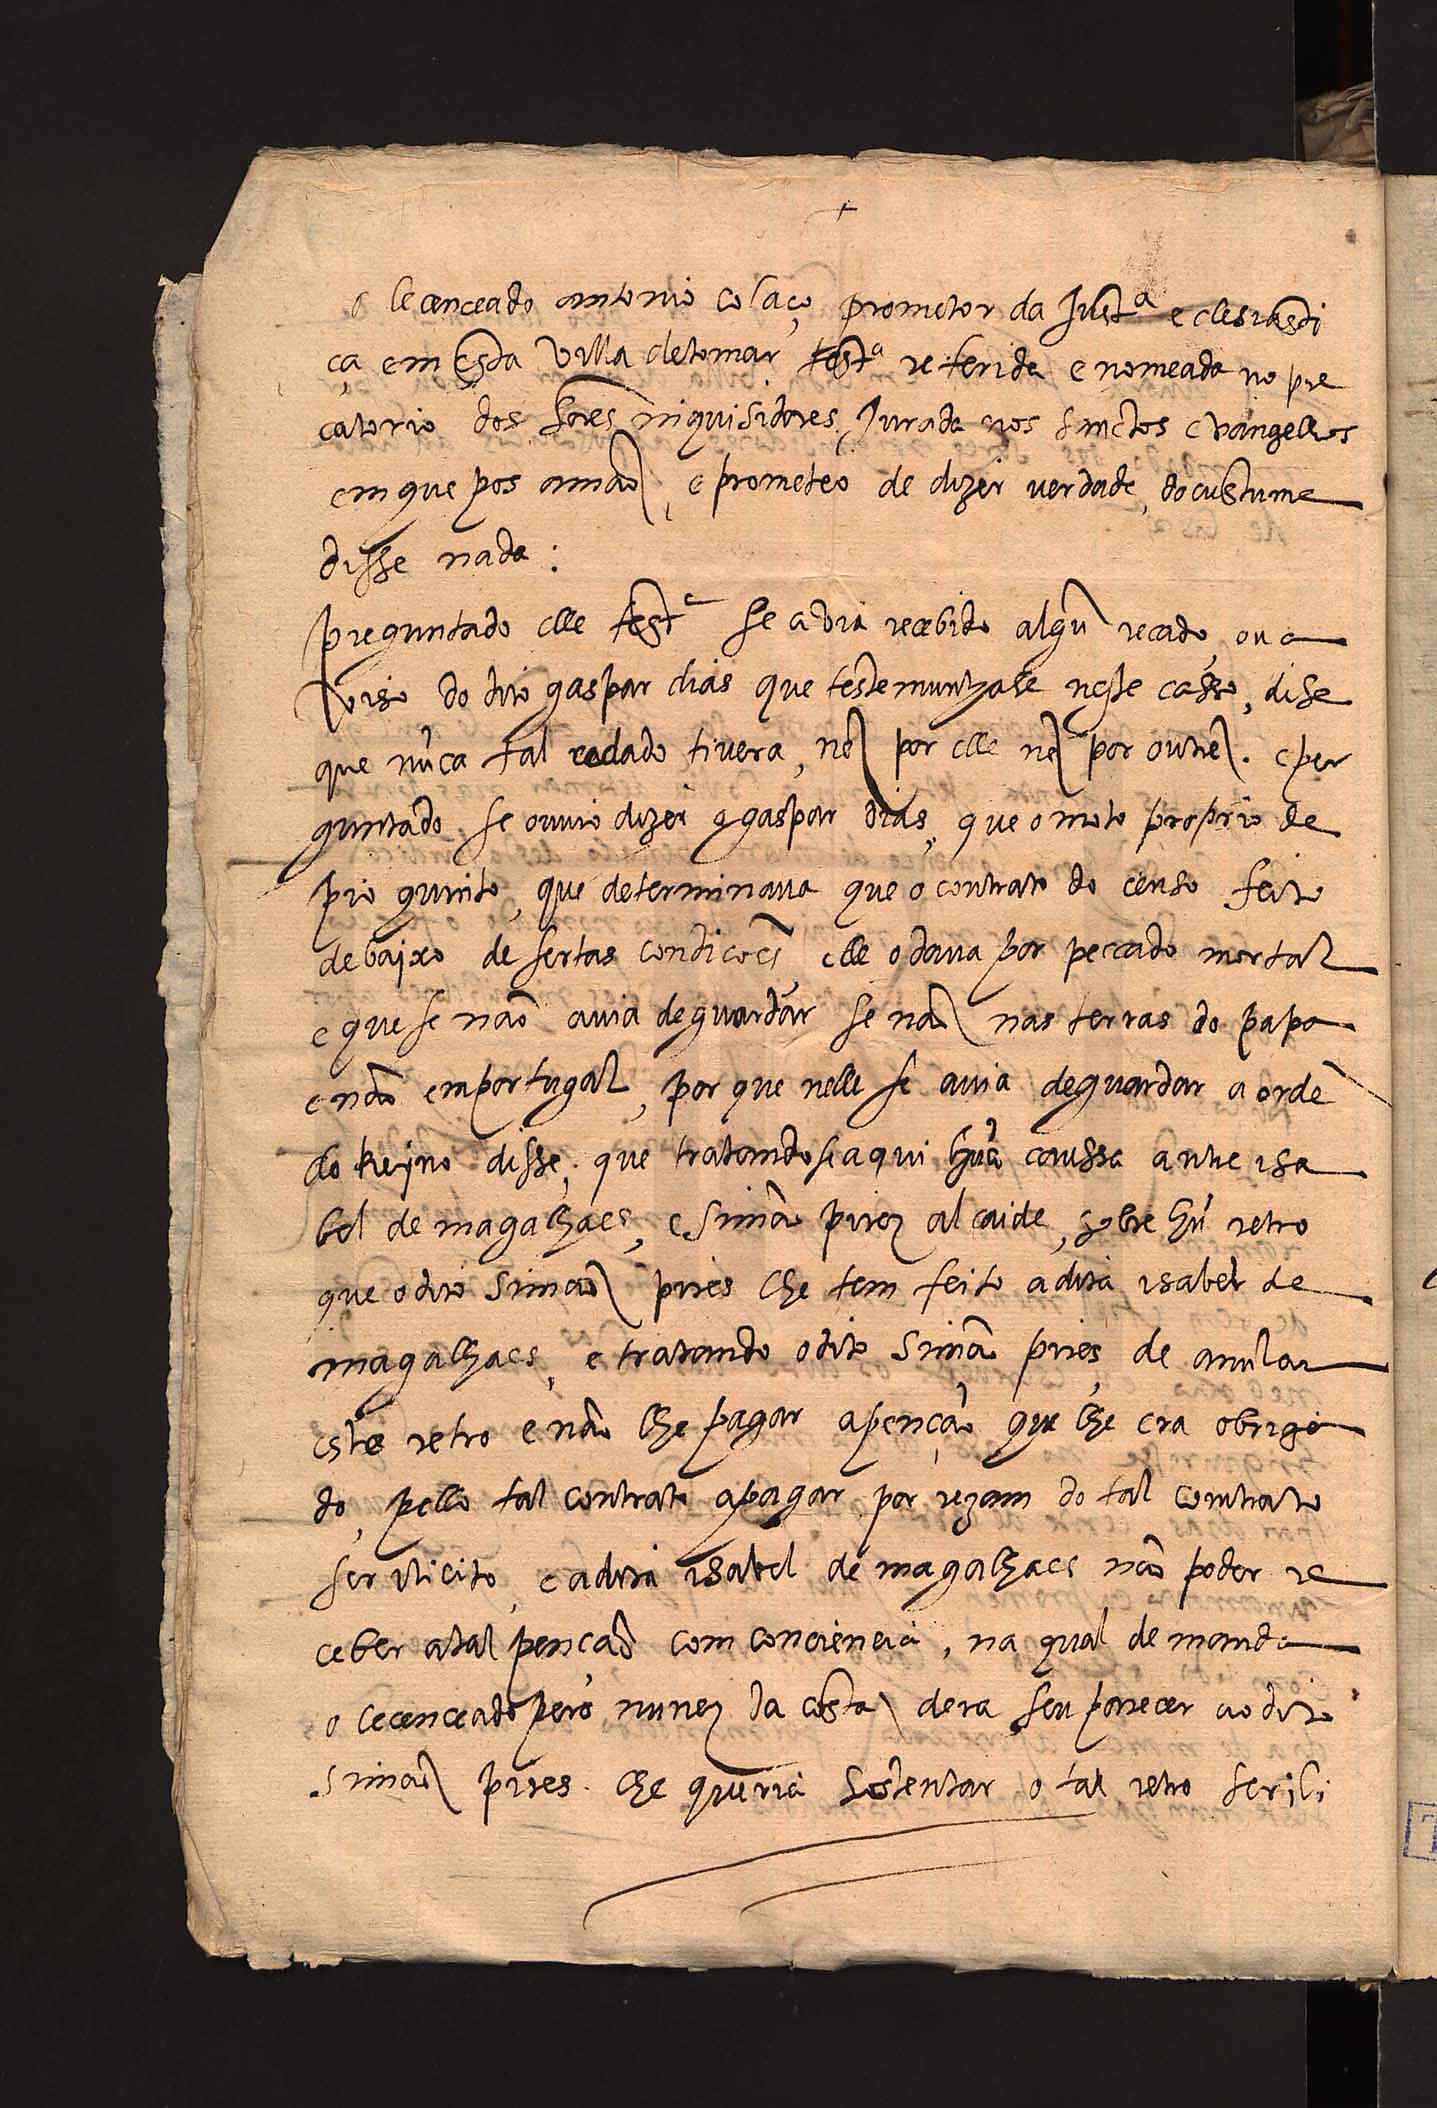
o lecenceado antonio colaço promotor da Justa eclesiasti
ça em esta villa de tomar testa referida e nomeada no pre
catorio dos So̅res inquisidores Jurada nos Sanctos evangelhos
em que pos a mão, e prometeo de dizer uerdade, do custume
disse nada:
preguntado elle testa se avia recebido algu̅ recado, ou a
viso do dito gaspar dias que testemunhase neste casso, dise
que nu̅ca tal recado tiuera, ne̅ por elle ne̅ por outre̅. e per
guntado se ouuio dizer a gaspar dias, que o moto proprio de
pio quinto, que determinaua que o contrato do censo feito
debajxo de sertas condicões, elle o daua por peccado mortal
e que se não auia de guardar se não nas terras do papa
e não em portuguaL, por que nelle se auia de guardar a orde̅
do Reyno disse que tratandose aqui hu̅a caussa antre isa
bel de magalhaes, e Simão pirez alcaide, sobre hu̅ retro
que o dito Simão pires lhe tem feito a dita isabel de
magalhaes, e tratando o dito Simão pires de anular
este retro e não lhe pagar a penção que lhe era obriga
do, pello tal contrato a pagar por rezam do tal comtrato
ser ilicito, e a dita isabel de magalhaes não poder re
ceber a tal penção com conciencia, na qual demanda
o lecenceado pero nunez da costa dera seu parecer ao dito
Simão pires. lhe queria sostentar o tal retro ser ili
